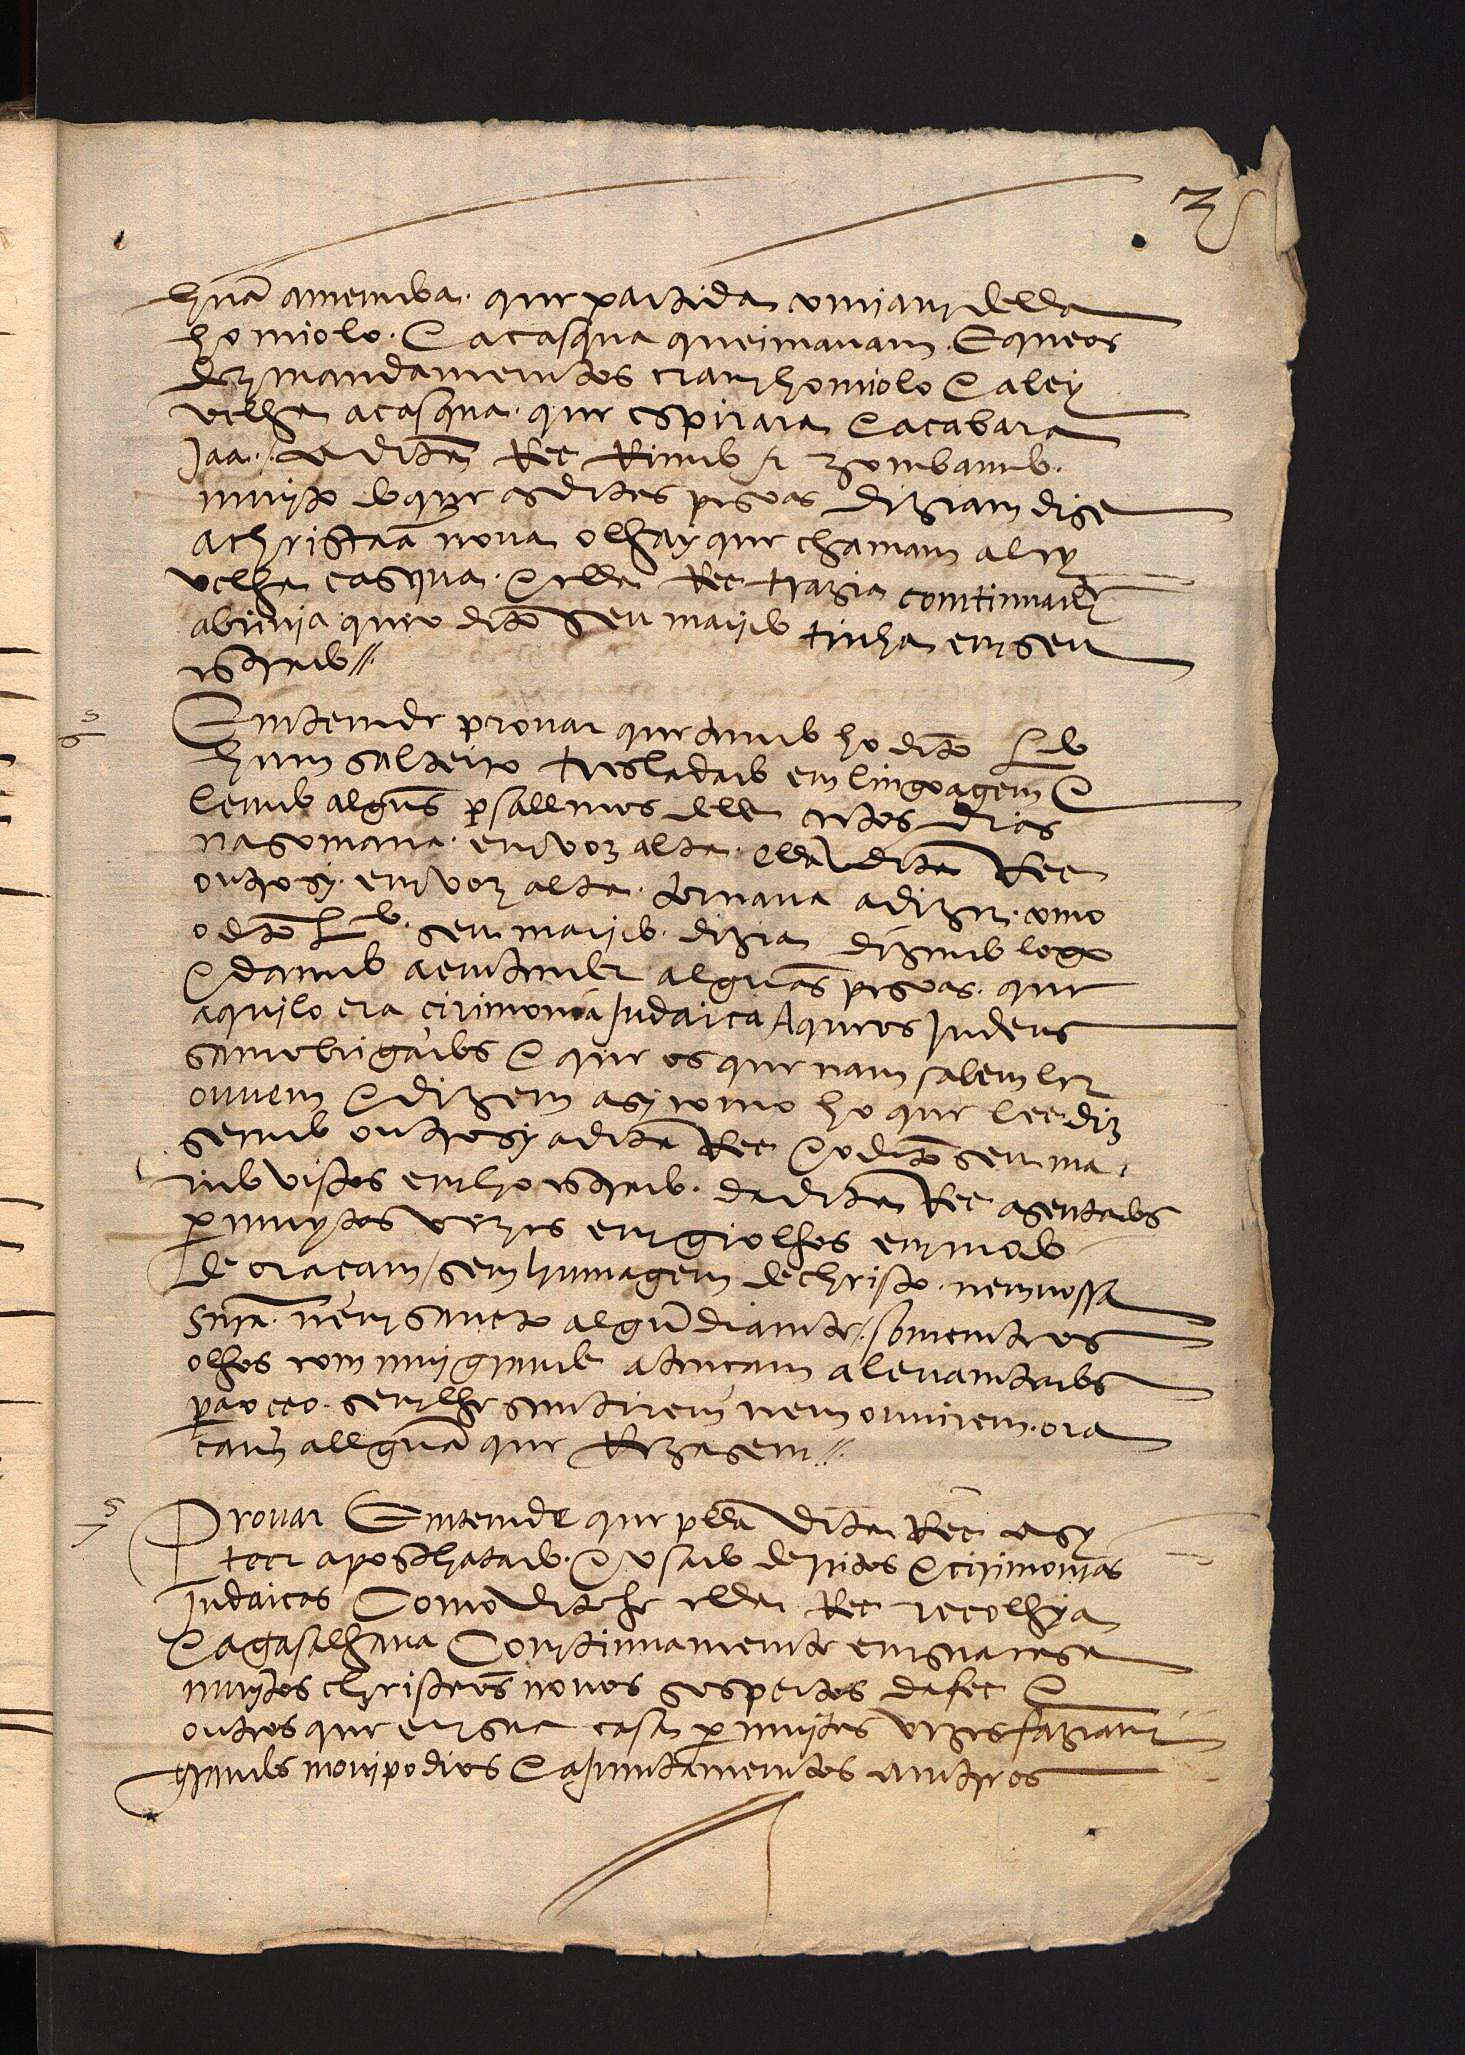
huā amemdoa que partida comiam della
ho miolo. e a casqua queimauam E que os
dez mandamemtos eram ho miolo e a ley
velha a casqua que espirara e acabara
Jaa ./. a dita Ree Rimdo e zombamdo
muyto do que as ditas pesoas diziam dise
a christaā noua olhay que chamam a ley
velha casqua. e ella Ree trazia comtinuamte
a briuja que o dito seu marjdo tinha em seu
estrado //.
Emtemde prouar que temdo ho dito Ldo
hum salteiro tresladado em lingoagem e
lemdo algūs psallmos delle certos dias
na somana. em voz alta ella dita Ree
outrosy em voz alta tornaua a dizer. como
o dto Ldo seu marjdo dizia dizendo logo
e damdo a emtender alguās pesoas que
aqujlo era cirimonia Judaica A que os Judeus
sam obrigados e que os que nam sabem ler
ouuem e dizem asy como ho que lee diz
semdo outrosy a dita Ree e o dito seu ma
rido vistos em ho estrado. da dita Ree asentados
ꝑ muytas vezes em giolhos em modo
de oraçam / sem humagem de christo nem nossa
Snr̄a nem sancto algū diamte / somemte os
olhos com muj grande atençam aleuamtados
ꝑa o ceo sem lhe semtirem nem ouuirem ora
çam allguā que Rezasem //
Prouar Emtemde que pll̄a dita Ree asy
teer aposthatado. e vsado de rritos e cirimonias
Judaicas Como dito he ella Ree recolhya
e agasalhaua Comtinuamemte em sua casa
muytos christaõs nouos sospeitos da fee e
outros que em sua casa ꝑ mujtas vezes faziam
grandes monjpodios e aJumtamemtos antre os
